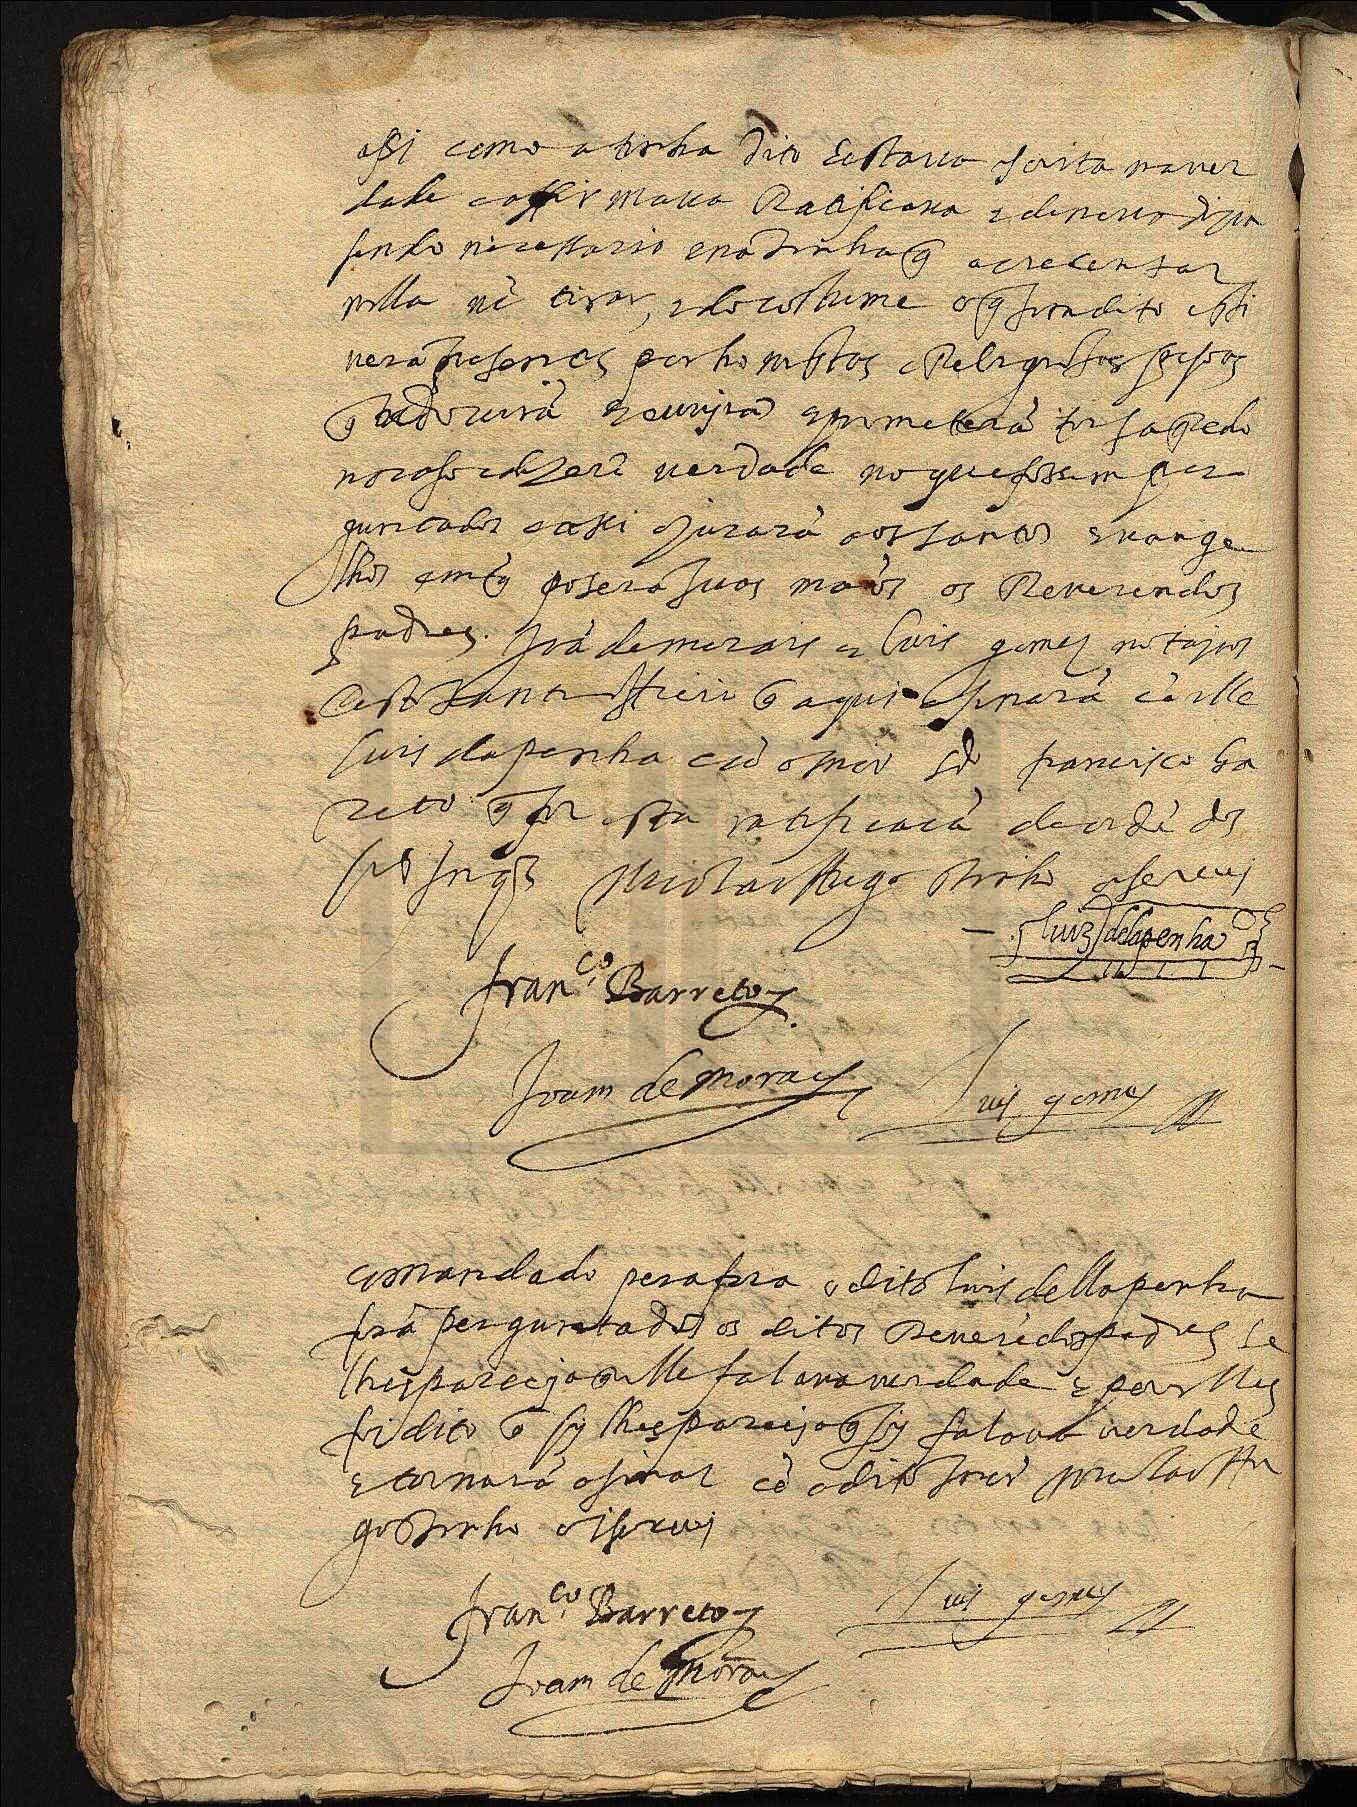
assi como a tinha dito e estaua escrita na ver
dade e affirmaua Ratificava e de nouo dizia
sendo necessario e nã tinha q̄ acrecentar
nella nē tirar, e do costume o q̄ fora dito esti
verã presentes per honestas e Religiosas pesoas
q̄ tudo uirã e ouvjrã E prometerã ter sagredo
no caso e dizerē uerdade no que fossem per
guntados e assi o jurarã aos santos evange
lhos em q̄ poserã suas mãos os Reverendos
padres. Joã de morais e Luis gomez, notarios
deste Santo officio, q̄ aqui asinarã cō elle
Luis da penha e cō o Snor Ldo francisco ba
reto q̄ por esta ratificacaõ de ordē dos
Srs̄ Jnq̄s Nicolau Augostinho o escrevj
fran.co Barreto
luiz de la penha
Joam de Morais
Luis Gomes
comandado pera fora o dito Luis della penha
forã perguntados os ditos Reverendos padres se
lhes parecja q̄ elle falava verdade E per elles
foi dito q̄ sy lhes parecja q̄ sy falava verdade
e tornarã asinar cō o dito snor Nicolao Au
gostinho o iscrevj
franco. Barreto
Luis Gomes
Joam de Morais
